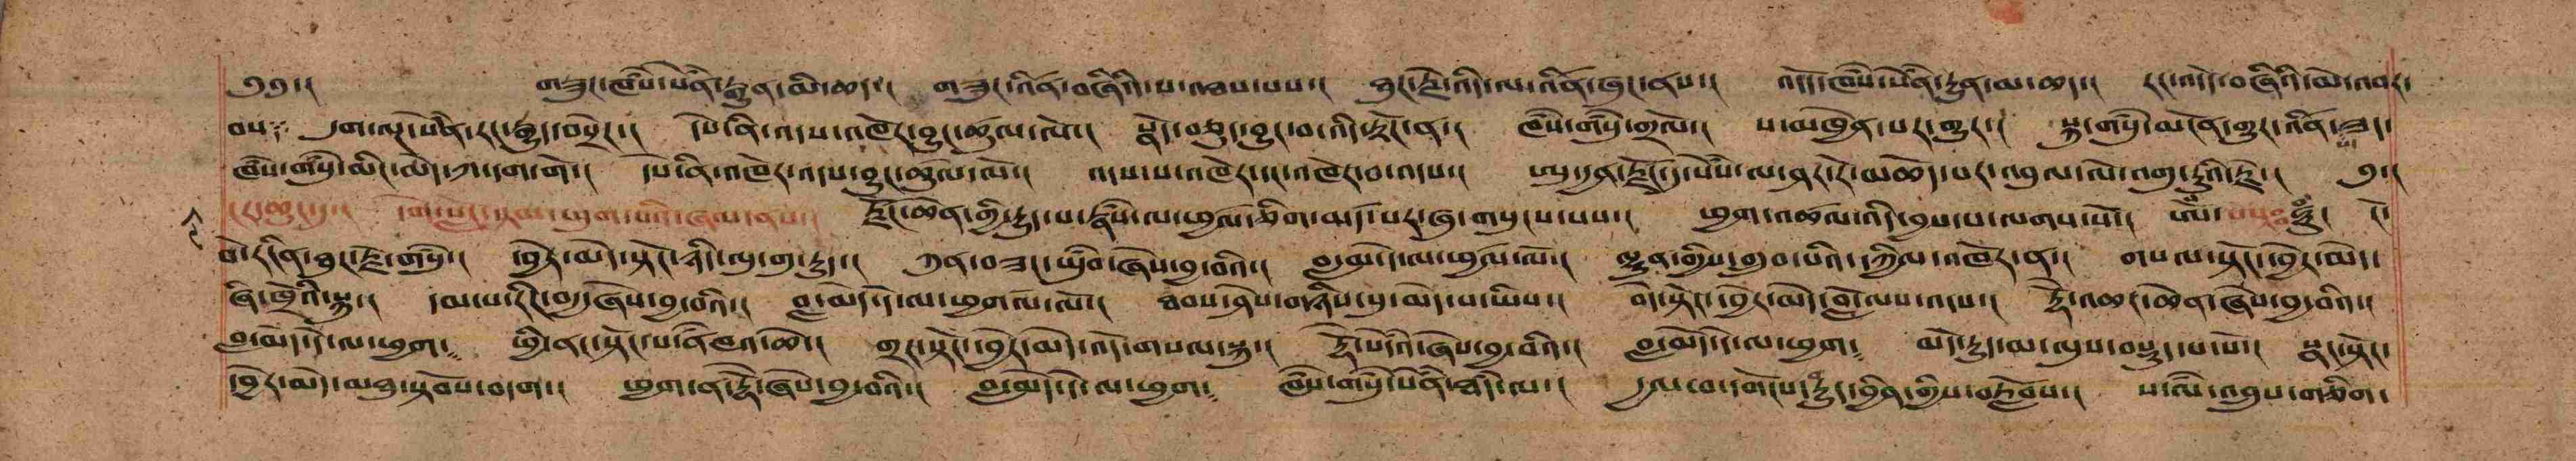༄༅་། གཟུགས་ཁམས་སེམས་ཅན་རྒྱུན་མི་ཆད། གཟུང་འཛིན་བཞིའི་ས་འཐབ་པས། ཐུགས་རྗེ་འདི་ལ་འཛིན་ཞུགས་ནས། འདོད་ཁམས་སེམས་ཅན་དྱུན་མི་ཆད། རང་འདོད་བཞིའི་མེ་འབར་
བས༑ དུག་ལྔ་སེམས་ཅན་རང་རྒྱུད་བསྲེགས། དཔེ་ནི་འདས་འཁོར་བྱུང་ཚུལ་ལོ། སྣོད་བཅུད་བྱུང་བ་འདི་རྟོགས་ན། ཁམས་གསུམ་གྲོལ་། ས་མཁྱེན་པར་གྱུར། སྐུ་གསུམ་མངོན་གྱུར་འཛིན་པ་ཟད། 
ཁམས་གསུམ་མིང་མེད་ཀ་དག་གོ། དཔེ་ནི་འཁོར་འདས་བྱུང་ཚུལ་ལོ། འདས་པ་འཁོར་དང་འཁོར་བ་འདས། ཨུ་རྒྱན་རྫོང་དུ་སེམས་ལ་ཤར་རོ་མཆོད་པར་འབུལ་ལོ་འགུ་རུའི་རྗེ། ༄་། 
ངར་ཆུང་དུ། དགེ་སློང་སྟམ་ཕུག་པའི་ཞལ་ནས། རྫོགས་ཆེན་གྱི་དྱུད་པ་རྣམས་ལ་ཕྱག་འཚལ་ཅིག་མཛད་པར་ཞུ་གསུངས་པས། ཕྱག་འཚལ་འདི་བྱས་པ་ལགས་སོ། ཨོྃ་ཨཿ ཧཱུཾ། ངོ་
བོ་རང་བཞིན་ཐུགས་རྗེ་གསུམ། དབྱེར་མེད་སྟོང་ཉིད་ལུ་གུ་དྱུད། ཀུན་བཟང་ཡབ་ཡུམ་ཞེས་བྱ་བའི། བླ་མ་དེ་ལ་ཕྱག་འཚལ་ལོ། ལྷུན་གྱིས་གྲུབ་པའི་དཀྱིལ་འཁོར་ན། གསལ་སྟོང་དབྱེར་མེད་
ཞི་ཁྲོའི་སྐུ། དམ་པ་རིགས་བརྒྱ་ཞེས་བྱ་བའི། བླ་མེད་དེ་ལ་ཕྱག་འཚལ་ལོ། ཐབས་ཤེས་གཉིས་སུ་མེད་པ་ཡིས། བདེ་སྟོང་དབྱེར་མེད་བློ་ལས་འདས། རྡོ་རྗེ་འཆང་ཆེན་ཞེས་བྱ་བའི་
བླ་མེད་དེ་ལ་ཕྱག་འཚལ་ལོ། ཕྱི་ནང་སྟོང་པ་ནམ་མཁའ་ཆེ། གྲགས་སྟོང་དབྱེར་མེད་འོད་གསལ་སྐུ། རྡོ་རྗེ་སེམས་དཔའ་ཞེས་བྱ་བའི། བླ་མེད་དེ་ལ་ཕྱ་འཚལ་ལོ། མདོ་དྱུད་མ་ལུས་བསྡུད་པ་སོ། སྣང་སྟོང་
དབྱེར་མེད་མཐུ་སྟོབས་བདག། ཕྱག་ན་རྡོ་རྗེ་ཞེས་བྱ་བའི། བླ་མེད་དེ་ལ་ཕྱག་འཚལ་ལོ། ཁམས་གསུམ་སེམས་ཅན་ཐམས་ཅད་ལ། རྒྱལ་བ་དགོངས་དྱུད་བྱིན་གྱིས་བརློབས། ས་ལམ་འབྲས་བུ་གཅིག་